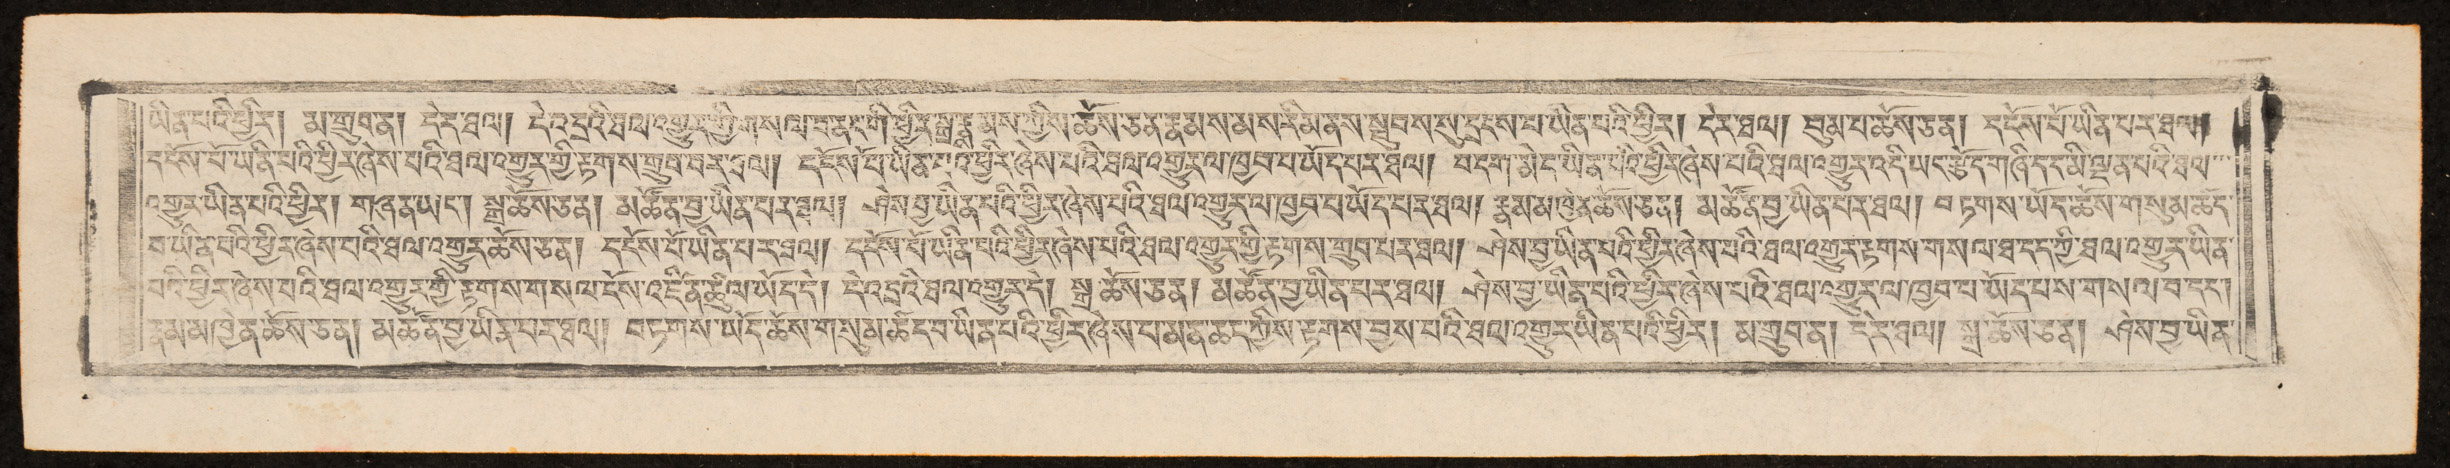ཡིན་པའི་ཕྱིར། མ་གྲུབ་ན། དེར་ཐལ། དེ་འདྲའི་ཐལ་འགྱུར་གྱི་གསལ་བ་ནང་གི་ཕྱིར་སྒྲ་རྣམས་ཀྱིས་ཆོས་ཅན་རྣམས་མས་རིམ་ནས་སྦུབས་སུ་དྲངས་པ་ཡིན་པའི་ཕྱིར། དེར་ཐལ། བུམ་པ་ཆོས་ཅན། དངོས་པོ་ཡིན་པར་ཐལ།
དངོས་པོ་ཡིན་པའི་ཕྱིར་ཞེས་པའི་ཐལ་འགྱུར་གྱི་རྟགས་གྲུབ་པར་ཐལ། དངོས་པོ་ཡིན་པའི་ཕྱིར་ཞེས་པའི་ཐལ་འགྱུར་ལ་ཁྱབ་པ་ཡོད་པར་ཐལ། བདག་མེད་ཡིན་པའི་ཕྱིར་ཞེས་པའི་ཐལ་འགྱུར་འདི་ཡང་རྩོད་གཞིག་དང་མི་ལྡན་པའི་ཐལ་
འགྱུར་ཡིན་པའི་ཕྱིར། གཞན་ཡང་། སྒྲ་ཆོས་ཅན། མཚོན་བྱ་ཡིན་པར་ཐལ། ཤེས་བྱ་ཡིན་པའི་ཕྱིར་ཞེས་པའི་ཐལ་འགྱུར་ལ་ཁྱབ་པ་ཡོད་པར་ཐལ། རྣམ་མཁྱེན་ཆོས་ཅན། མཚོན་བྱ་ཡིན་པར་ཐལ། བཏགས་ཡོད་ཆོས་གསུམ་ཚང་
བ་ཡིན་པའི་ཕྱིར་ཞེས་པའི་ཐལ་འགྱུར་ཆོས་ཅན། དངོས་པོ་ཡིན་པར་ཐལ། དངོས་པོ་ཡིན་པའི་ཕྱིར་ཞེས་པའི་ཐལ་འགྱུར་གྱི་རྟགས་གྲུབ་པར་ཐལ། ཤེས་བྱ་ཡིན་པའི་ཕྱིར་ཞེས་པའི་ཐལ་འགྱུར་རྟགས་གསལ་ཐ་དད་ཀྱི་ཐལ་འགྱུར་ཡིན་
པའི་ཕྱིར་ཞེས་པའི་ཐལ་འགྱུར་གྱི་རྟགས་གསལ་ངོས་འཛིན་ཚུལ་ཡོད་དེ། དེ་འདྲའི་ཐལ་འགྱུར་དེ། སྒྲ་ཆོས་ཅན། མཚོན་བྱ་ཡིན་པར་ཐལ། ཤེས་བྱ་ཡིན་པའི་ཕྱིར་ཞེས་པའི་ཐལ་འགྱུར་ལ་ཁྱབ་པ་ཡོད་པས་གསལ་བ་དང་།
རྣམ་མཁྱེན་ཆོས་ཅན། མཚོན་བྱ་ཡིན་པར་ཐལ། བཏགས་ཡོད་ཆོས་གསུམ་ཚང་བ་ཡིན་པའི་ཕྱིར་ཞེས་པ་མན་ཆད་ཀྱིས་རྟགས་བྱས་པའི་ཐལ་འགྱུར་ཡིན་པའི་ཕྱིར། མ་གྲུབ་ན། དེར་ཐལ། སྒྲ་ཆོས་ཅན། ཤེས་བྱ་ཡིན་